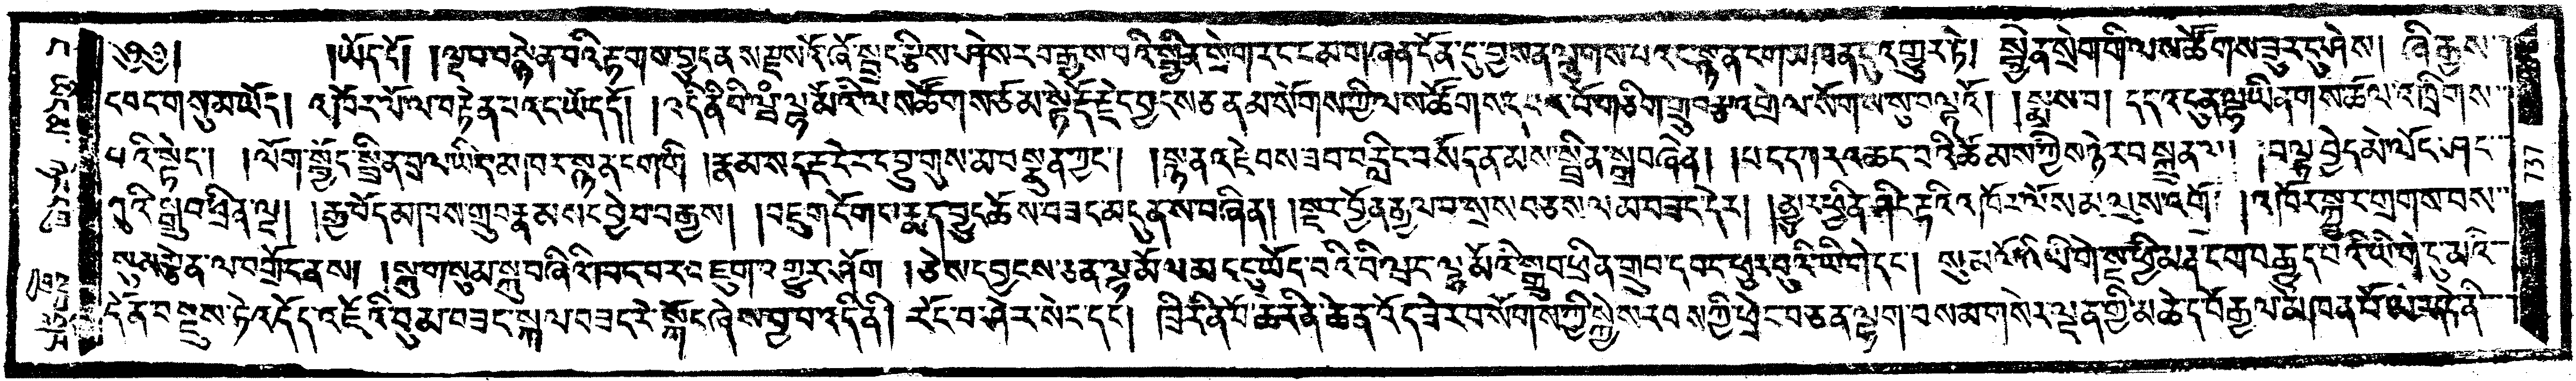༄༅། །ཡོད་དོ། །ལྔ་བ་བསྙེན་བའི་རྟགས་བྱུང་ནས་རྫ་སའོ་ཞོ་སྦྲང་རྩིས་ཤེས་རབ་རྒྱས་བའི་སྦྱིན་སྲེག་རབ་དམ་གཞན་དོན་དུ་བྱས་ན་ལྐུགས་པའང་སྙན་ངག་མཁན་དུ་འགྱུར་ཏེ། སྦྱེན་སྲེག་གི་ལས་ཚོགས་ཟུར་དུ་ཤེས། ཞི་རྒྱས་
དབང་གསུམ་ཡོད། འཁོར་ལོ་ལ་བརྟེན་པའང་ཡོད་དོ། །འདི་ནི་བི་ཝཾ་ལྷ་མོའི་ལས་ཚོགས་ཙམ་སྟེ་རྡོ་རྗེ་དབྱངས་ཅན་མ་སོགས་ཀྱི་ལས་ཚོགས་དཔའ་བོ་གཅིག་གྲུ་བརྩ་འགྲེལ་སོགས་སུ་བལྟའོ། །སྨྲས་བ། དད་འདུན་ལྷ་ཡི་ནགས་ཚལ་འཁྲིགས་
པའི་སྟེང་། །ལོག་སྦྱོད་སྒྲིན་བྲལ་ཡིད་མཁར་སྙན་ངག་གི །རྣམ་སད་རྡ་?དེར་དབྱུ་གུས་མ་བསྣུན་ཀྱང་། །སྙན་འཇེབས་ཟབ་བརླིང་བསོད་ན་མས་སྦྲིན་སྒྲ་བཞིན། །པད་དཀར་འཆང་བའི་ཚེམས་ཀྱིས་ཉེར་བསྐྲུན་ལྟ། །བལྟ་བྱེད་མེ་ལོང་ཤང་
ཀུའི་སྒྲུབ་ཕྲིན་ལྔ། །རྒྱ་བོད་མཁས་གྲུབ་རྣམས་དབྱེ་བ་བརྒྱས། །བྗུག་དོགས་རྨད་བྱུང་ཆོས་བཟང་མདུན་ས་བཞིན། །སྔར་བྱོན་རྒྱལ་བ་སྲས་བཅས་ལམ་བཟང་དེར། །མྱུར་ཕྱིན་ཤིང་རྟའི་འཁོར་ལོས་མ་ལུས་འགྲོ། །འཁོར་སྐྱུར་གྲགས་པས་
སུམ་རྩེན་ལ་བགྲོད་ནས། །སྐུ་གསུམ་?སྒྲུབ་བཞིའི་ཁང་བར་འཇུག་འགྱུར་ཤོག །ཅེས་དབྱངས་ཅན་ལྷ་མོ་ལ་མང་?གུ་ཡོད་པའི་བི་ཝང་ལྷ་མོའི་སྒྲུབ་ཕྲིན་གྲུབ་དབང་ཕུར་བུའི་ཡི་གེ་དང་། ?་མ་ལོའི་ཡི་གེ་སྔ་ཕྱི་མན་ངག་བརྒྱུད་པའི་ཡི་གེ་དུ་མའི་
དོན་བསྡུས་ཏེ་འདོད་འཛེའི་བུམ་བཟང་སྐལ་བཟང་རེ་སྐོང་ཞེས་བྱ་བ་འདི་ནི། རོང་བཤེར་སེང་དང་། ཁྲི་རིན་པོ་ཆེ་རིན་ཆེན་འོད་ཟེར་བ་སོགས་ཀྱི་སྐྱེས་རབས་ཀྱི་ཕྲེང་བཅན་ལྷག་བསམ་གསེར་ལྡན་གྱི་མཆེད་པ་རྒྱལ་མཁན་པོ་??་ནི་